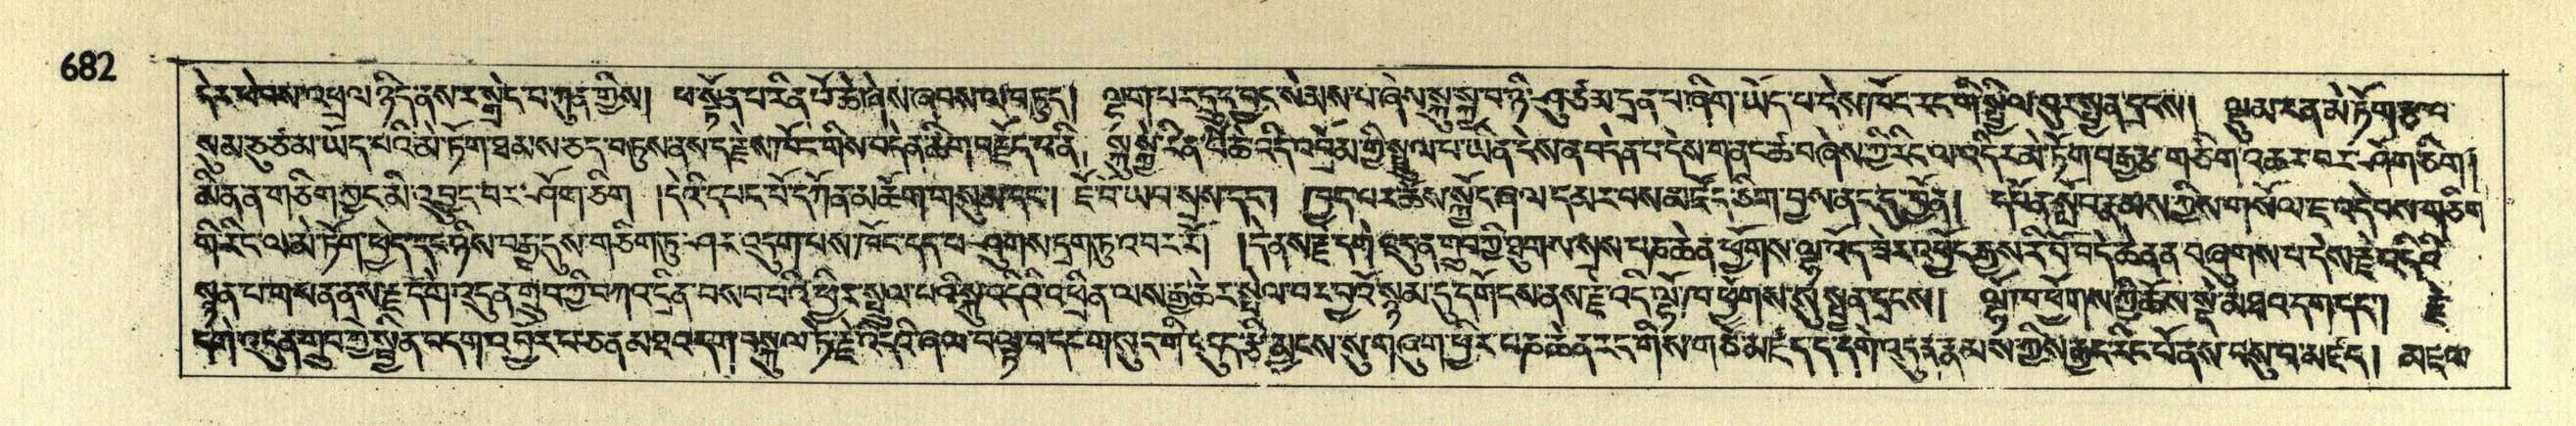དེར་ཕེབས་འཕྲུལ་ཉིད་ནས་ར་སྒྲེན་བ་ཀུན་གྱིས། ཕ་སྟོན་པ་རིན་པོ་ཆེ་ཞེས་ཞབས་ལ་བཏུད། ལྷག་པར་དྲུང་བྱང་སེམས་པ་ཞེས་སྐུ་སྐྱ་བ་ཉི་ཤུ་ཙམ་དྲན་པ་ཞིག་ཡོད་པ་དེས་ཁོང་རང་གི་སྤྱིལ་བུར་སྤྱན་དྲངས། ལྡུམ་ངན་མེ་ཏོག་རྩ་བ་
སུམ་ཅུ་ཙམ་ཡོད་པའི་མེ་ཏོག་ཐམས་ཅད་བཏུས་ནས་ད་རྗེས་ཁོང་གིས་བདེན་ཚིག་བརྗོད་བ་ནི། སྐུ་སྐྱེ་རིན་པོ་ཆེ་འདི་འབྲོམ་གྱི་སྤྲུལ་པ་ཡིན་དེས་ན་བདེན་པ་དེས་གནང་ཚ་བ་ཞེས་ཀྱི་རིང་ལ་འདིར་མེ་ཏོག་བརྒྱ་རྩ་གཅིག་འཆར་བར་ཤོག་ཅིག།
མིན་ན་གཅིག་ཀྱང་མི་འབྱུང་བར་ཤོག་ཅིག །དེའི་དཔང་པོ་དཀོན་མཆོག་གསུམ་དང་། ཇོ་བོ་ཡབ་སྲས་དང་། ཁྱད་པར་ཆོས་སྐྱོང་ཞལ་དམར་བས་མཛོད་ཅིག་བྱས་ནང་དུ་བྱོན། དཔོན་སློབ་རྣམས་ཀྱིས་གསོལ་ཇ་འདེབས་གཅིག་
གི་རིང་ལ་མེ་ཏོག་ཕྱེད་དང་ཉིས་བརྒྱ་དུས་གཅིག་ཏུ་ཤར་འདུག་པས་ཁོང་དད་པ་ཤུགས་དྲག་ཏུ་འབར་རོ། །དེ་ནས་རྗེ་དགེ་འདུན་གྲུབ་ཀྱི་ཐུགས་སྲས་པཎ་ཆེན་ཕྱོགས་ལྷ་འོད་ཟེར་འཕྱོད་རྒྱས་རི་བོ་བདེ་ཆེན་ན་བཞུགས་པ་དེས་རྗེ་འདིའི་
སྙན་པ་གསན་ནས་རྗེ་དགེ་འདུན་གྲུབ་ཀྱི་བཀའ་དྲིན་བསབ་པའི་ཕྱིར་སྤྲུལ་པའི་སྐུ་འདིའི་འཕྲིན་ལས་རྒྱ་ཆེར་སྤེལ་བར་བྱའོ་སྙམ་དུ་དགོངས་ནས་རྗེ་འདི་ལྷོ་ཁ་ཕྱོགས་སུ་སྤྱན་དྲངས། ལྷ་ཁ་ཕྱོགས་ཀྱི་ཆོས་སྡེ་མཐའ་དག་དང་། རྗེ་
དགེ་འདུན་གྲུབ་ཀྱི་སྦྱིན་བདག་འབྱོར་པ་ཅན་མཐའ་དག་བསྐུལ་ཏེ་རྗེ་འདིའི་ཞལ་བལྟ་བ་དང་གསུང་གི་བདུད་རྩི་མྱངས་སུ་གཞུག་ཕྱིར་པཎ་ཆེན་རང་གིས་གཙོ་མཛད་དེ་དགེ་འདུན་རྣམས་ཀྱིས་རྒྱང་རིང་པོ་ནས་བསུ་བ་མཛད། མཇལ་